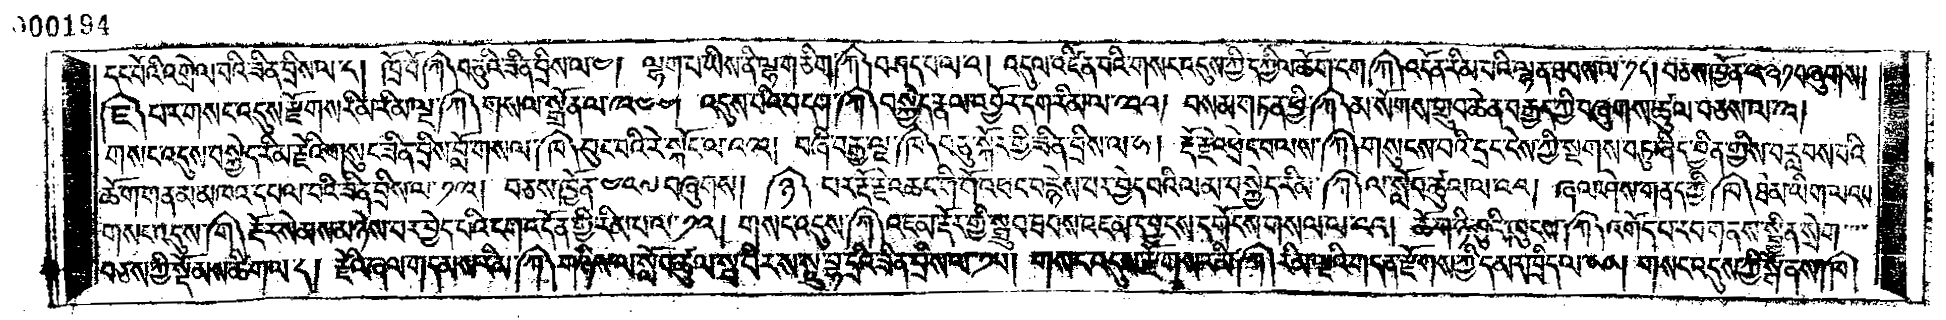དང་པོའི་འགྲེལ་བའི་ཟིན་བྲིས་ལ ༨། ཁྲོ་བོ ༼ཀ༽ བཅུའི་ཟིན་བྲིས་ལ ༤། ལྷག་པ་ཡིས་ནི་ལྷ་གཅིག ༼ཀ༽ བཤད་པ་ལ ༢། འདུལ་འཛིན་པའི་གསང་འདུས་ཀྱི་དཀྱིལ་ཆོག་ངག ༼ཀ༽ འདོན་རིམ་པའི་ལྷན་ཐབས་ལ ༡༨། བཅས་ཁྱོན ༣༣༡་བཞུགས།
༼ཇ༽ པར་གསང་འདུས་རྫོགས་རིམ་རིམ་ལྔ ༼ཀ༽ གསལ་སྒྲོན་ལ ༣༤༤། འདུས་པའི་བདག ༼ཀ༽ བསྐྱེད་རྣལ་འབྱོར་དག་རིམ་ལ ༣༢། བསམ་གཏན་ཕྱི ༼ཀ༽ མ་སོགས་གྲུབ་ཆེན་བརྒྱད་ཀྱི་བཞུགས་ཚུལ་བཅས་ལ ༣།
གསང་འདུས་བསྐྱེད་རིམ་རྗེའི་གསུང་ཟིན་བྲིས་བློ་གསལ ༼ཁ༽ བུང་བའི་རེ་སྐོང་ལ ༢༣། བཞི་བརྒྱ་ལྔ ༼ཁ༽ བཅུ་སྐོར་གྱི་ཟིན་བྲིས་ལ ༦། རྡོ་རྗེ་འཕྲེང་བ་ལས ༼ཀ༽ གསུངས་པའི་དྲང་ངེས་ཀྱི་སྔགས་བཏུ་ཞིང་བྱིན་གྱིས་བརླབས་པའི་
ཆོ་ག་གནམ་མཁའ་དཔལ་བའི་ཟིན་བྲིས་ལ ༡༣། བཅས་ཁྱོན ༤༢༧་བཞུགས། ༼ཉ༽ པར་རྡོ་རྗེ་འཆང་གི་གོ་འཕང་བརྙེས་པར་བྱེད་པའི་ལམ་བསྐྱེད་རིམ ༼ཀ༽ ལ་སློབ་ཚུལ་ལ ༢༢། ཞལ་ཤེས་གནད་ཀྱི ༼ཁ༽ ཐེམ་ཡིག་ལ ༢༥
གསང་འདུས ༼ག༽ རྡོར་སེམས་མཉེས་པར་བྱེད་པའི་ངག་འདོན་གྱི་རིམ་པ་ལ ༡༢། གསང་འདུས ༼ཀ༽ འཇམ་རྡོར་གྱི་སྒྲུབ་ཐབས་འཇམ་དབྱངས་དགོངས་གསལ་ལ ༢༢། ཆོ་ག་ཉི་ཤུའི་ཁུངས ༼ཀ༽ འགོད་པ་རབ་གནས་སྦྱིན་སྲེག་
བཅས་ཀྱི་སྡོམས་ཚིག་ལ ༨། རྗེའི་ཞལ་གདམས་རིམ ༼ཀ༽ གཉིས་ལ་སློབ་ཚུལ་སྦ་བིར་ས་སཱུ་བྷ་དྲའི་ཟིན་བྲིས་ལ ༡༥། གསང་འདུས་རྫོགས་རིམ ༼ཀ༽ རིམ་ལྔའི་གདན་རྫོགས་ཀྱི་དམར་ཁྲིད་ལ ༦༦། གསང་འདུས་ཀྱི་སྒོ་ནས ༼ཁ༽